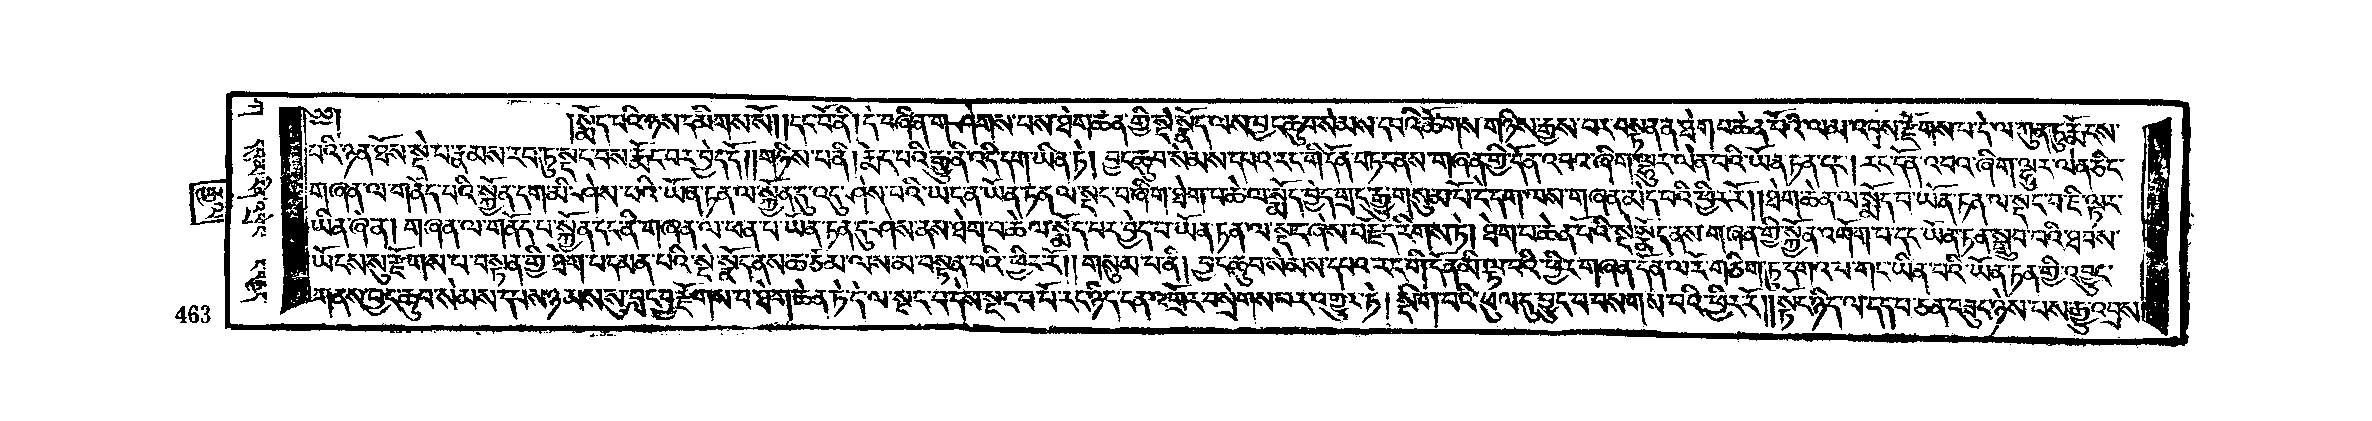༄༅། །སྨོད་པའི་ཉས་དམིགས་སོ། །དང་པོ་ནི། དེ་བཞིན་གཤེགས་པས་ཐེག་ཆེན་གྱི་སྡེ་སྣོད་ལས་བྱང་ཆུབ་སེམས་དཔའི་ཚོགས་གཉིས་རྒྱས་པར་བསྟན་ན་ཐེག་པ་ཆེན་པོའི་ལམ་འབྲས་རྫོགས་པ་དེ་ལ་ཀུན་ཏུ་རྨོངས་
པའི་ཉན་ཐོས་སྡེ་པ་རྣམས་རབ་ཏུ་སྡང་བས་རྨོང་བར་བྱེད་དོ། །གཉིས་པ་ནི། རྨོང་བའི་རྒྱུ་ནི་འདི་དག་ཡིན་ཏེ། བྱང་ཆུབ་སེམས་དཔའ་རང་གི་དོན་བཏང་ནས་གཞན་གྱི་དོན་འབའ་ཞིག་ལྷུར་ལེན་པའི་ཡོན་ཏན་དང་། རང་དོན་འབའ་ཞིག་ལྷུར་ལེན་ཅིང་
གཞན་ལ་གནོད་པའི་སྐྱོན་དག་མི་ཤེས་པའི་ཡོན་ཏན་ལ་སྐྱོན་དུ་འདུ་ཤེས་པའི་ཡང་ན་ཡོན་ཏན་ལ་སྡང་བ་ཞིག་ཐེག་པ་ཆེ་ལ་སྨོད་བྱེད་གྲང་རྒྱུ་གསུམ་པོ་དེ་དག་ལས་གཞན་མེད་པའི་ཕྱིར་རོ། །ཐེག་ཆེན་ལ་སྨོད་པ་ཡོན་ཏན་ལ་སྡང་བ་ཇི་ལྟར་
ཡིན་ཞེ་ན། གཞན་ལ་གནོད་པ་སྐྱོན་དང་ནི་གཞན་ལ་ཕན་པ་ཡོན་ཏན་དུ་ཤེས་ནས་ཐེག་པ་ཆེ་ལ་སྨོད་པར་བྱེད་པ་ཡོན་ཏན་ལ་སྡང་ཞེས་བརྗོད་རིགས་ཏེ། ཐེག་པ་ཆེན་པོའི་སྡེ་སྣོད་ནས་གཞན་གྱི་སྐྱོན་འགོག་པ་དང་ཡོན་ཏན་སྒྲུབ་པའི་ཐབས་
ཡོངས་སུ་རྫོགས་པ་བསྟན་གྱི་ཐེག་པ་དམན་པའི་སྡེ་སྣོད་ནས་ཆ་ཙམ་ལས་མ་བསྟན་པའི་ཕྱིར་རོ། །གསུམ་པ་ནི། བྱང་ཆུབ་སེམས་དཔའ་རང་གི་དོན་མི་ལྟ་བའི་ཕྱིར་གཞན་དོན་ལ་རོ་གཅིག་ཏུ་དགའ་བ་གང་ཡིན་པའི་ཡོན་ཏན་གྱི་འབྱུང་
གནས་བྱང་ཆུབ་སེམས་དཔས་ཉམས་སུ་བླང་བྱ་རྫོགས་པ་ཐེག་ཆེན་ཏེ་དེ་ལ་སྡང་བ་དེས་སྡང་བ་པོ་རང་ཉིད་ངན་འགྲོར་བསྲེགས་པར་འགྱུར་ཏེ། སྡིག་པའི་ཕུལ་དུ་བྱུང་བ་བསགས་པའི་ཕྱིར་རོ། །སྟོང་ཉིད་ལ་དད་པ་ཅན་བཟུང་ཉེས་པས་རྒྱུ་འབྲས་